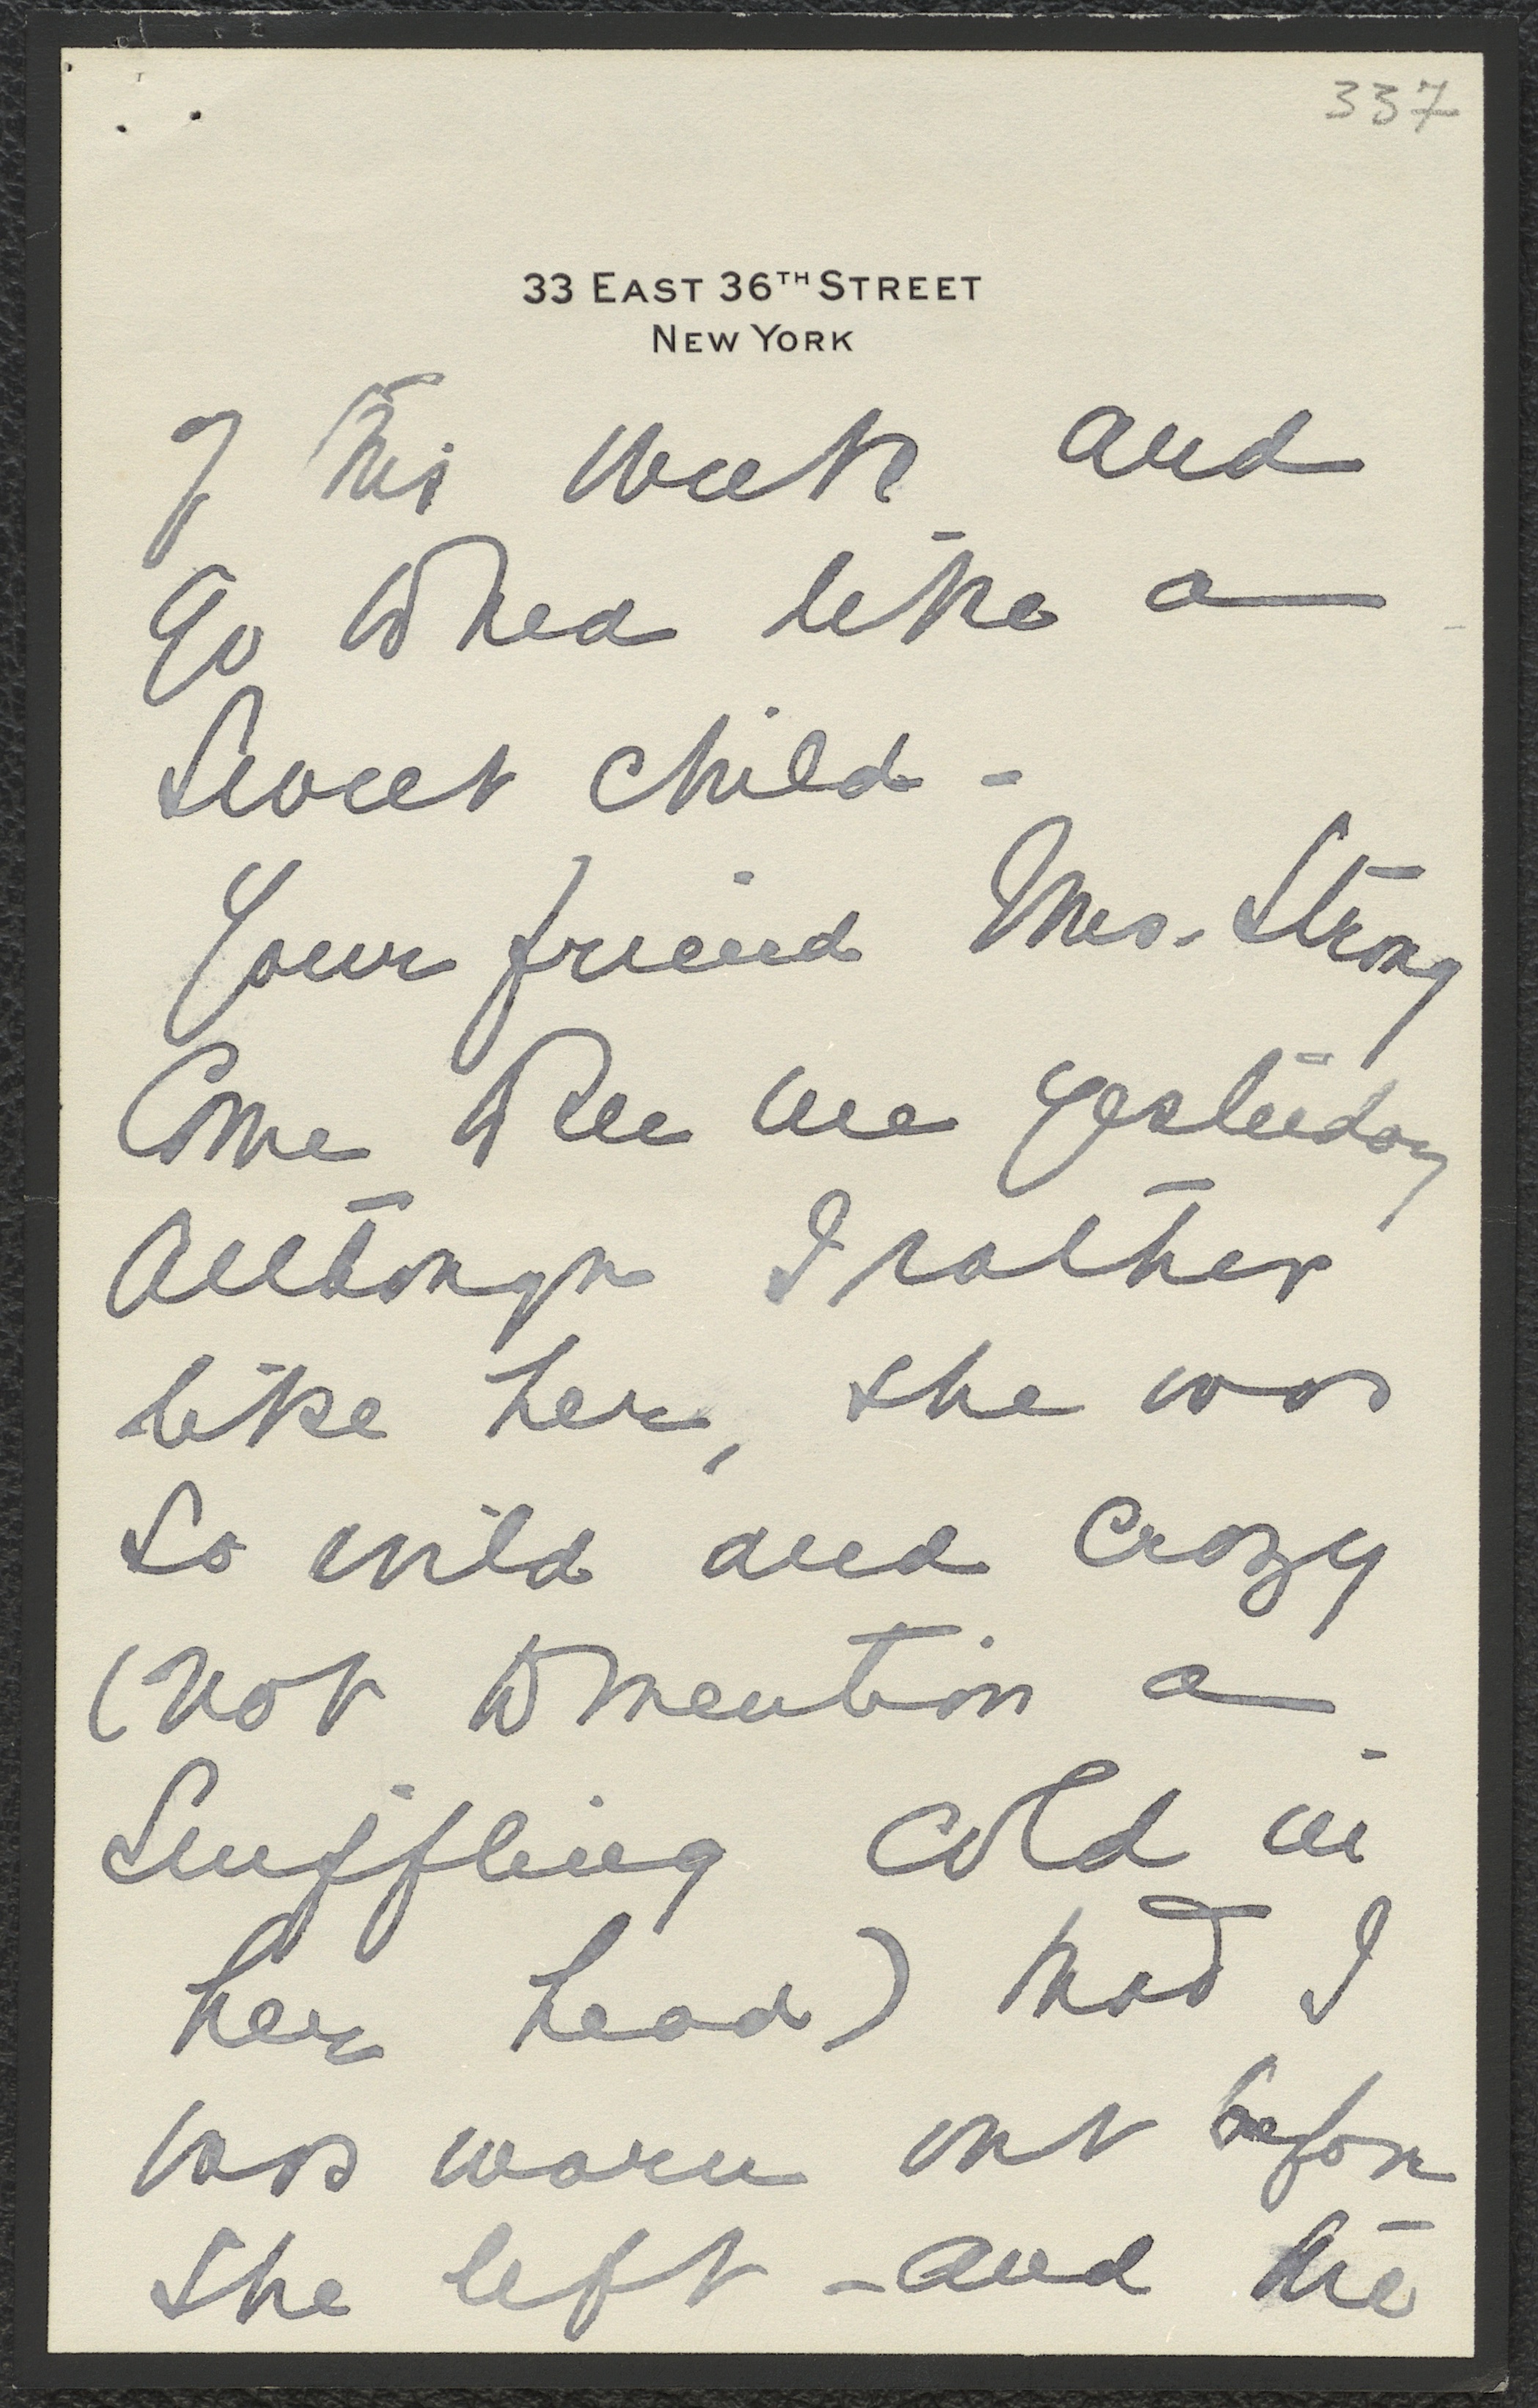of this week and go to bed like a sweet child – Your friend Mrs. Strong came to see me yesterday Although I rather like her, she was so wild and crazy (not to mention a sniffling cold in her head) that I was worn out before she left – and the